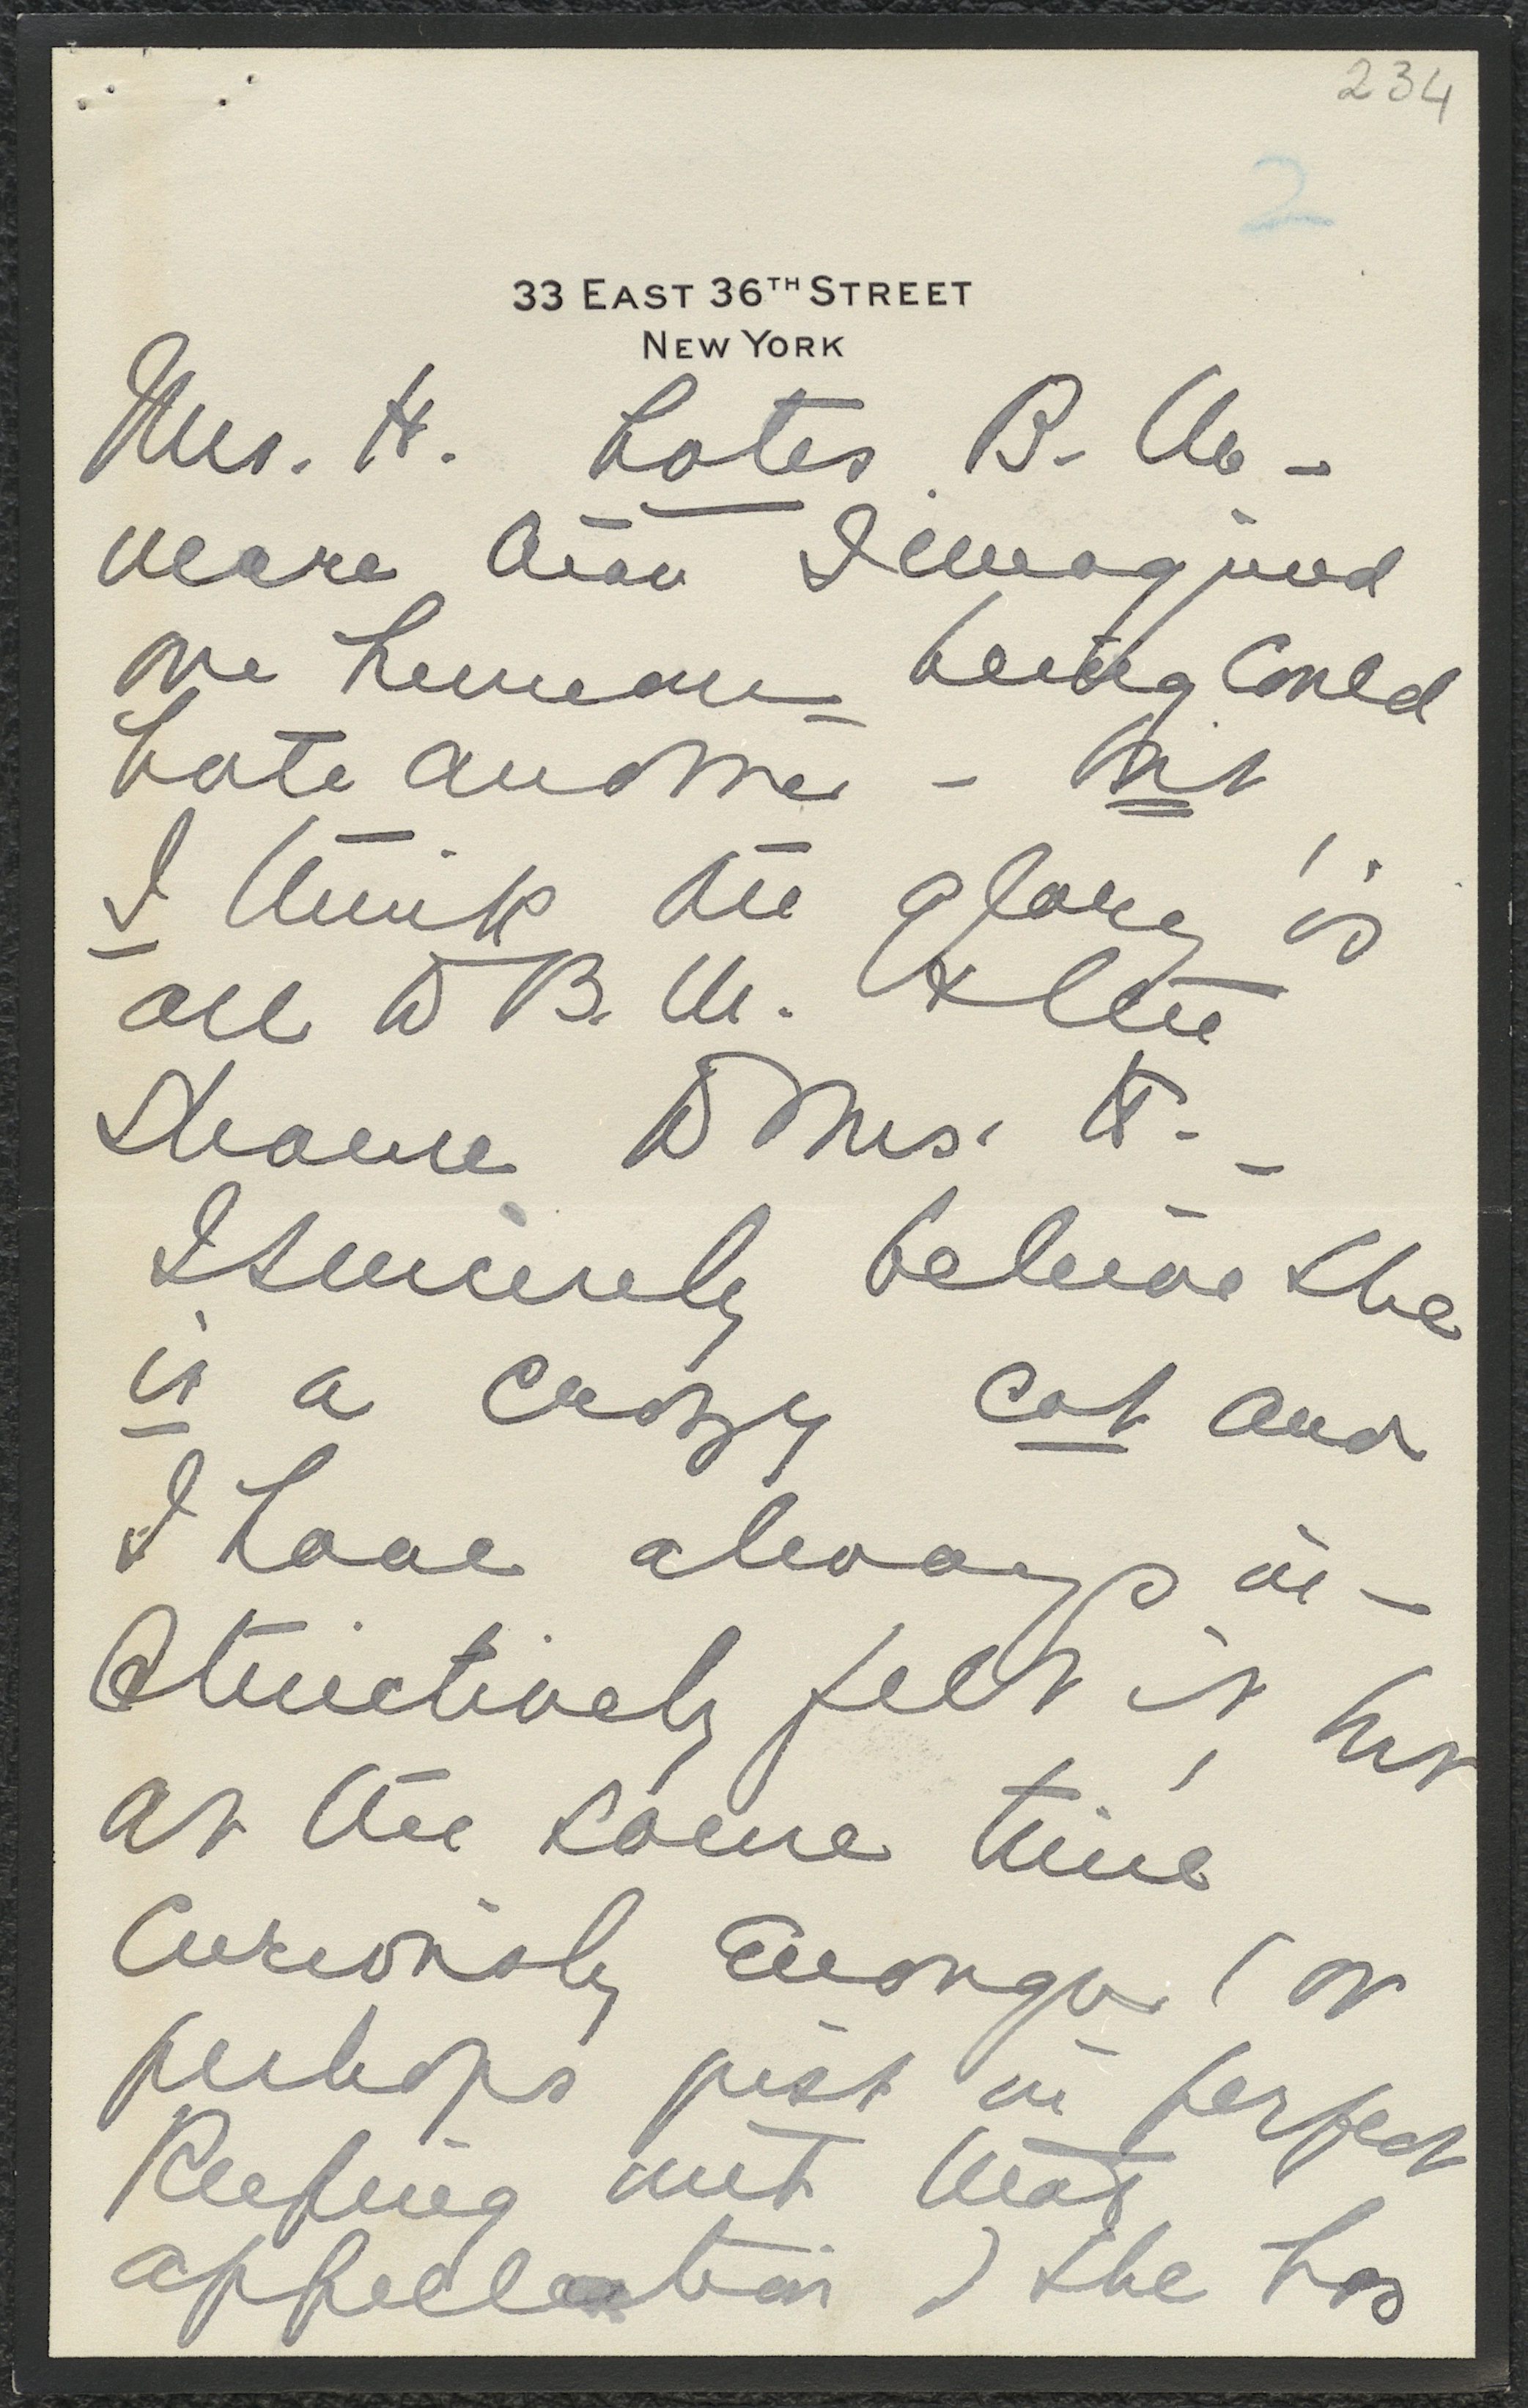Mrs. H. hates B.M. more than I imagined one human being could hate another – [double underlined: but] I think that glory is all to B.M. & the shame to Mrs. H. – I sincerely believe she is a crazy cat and I have always instinctively felt it, but at the same time curiously enough (or perhaps just in perfect keeping with that appellation) she has